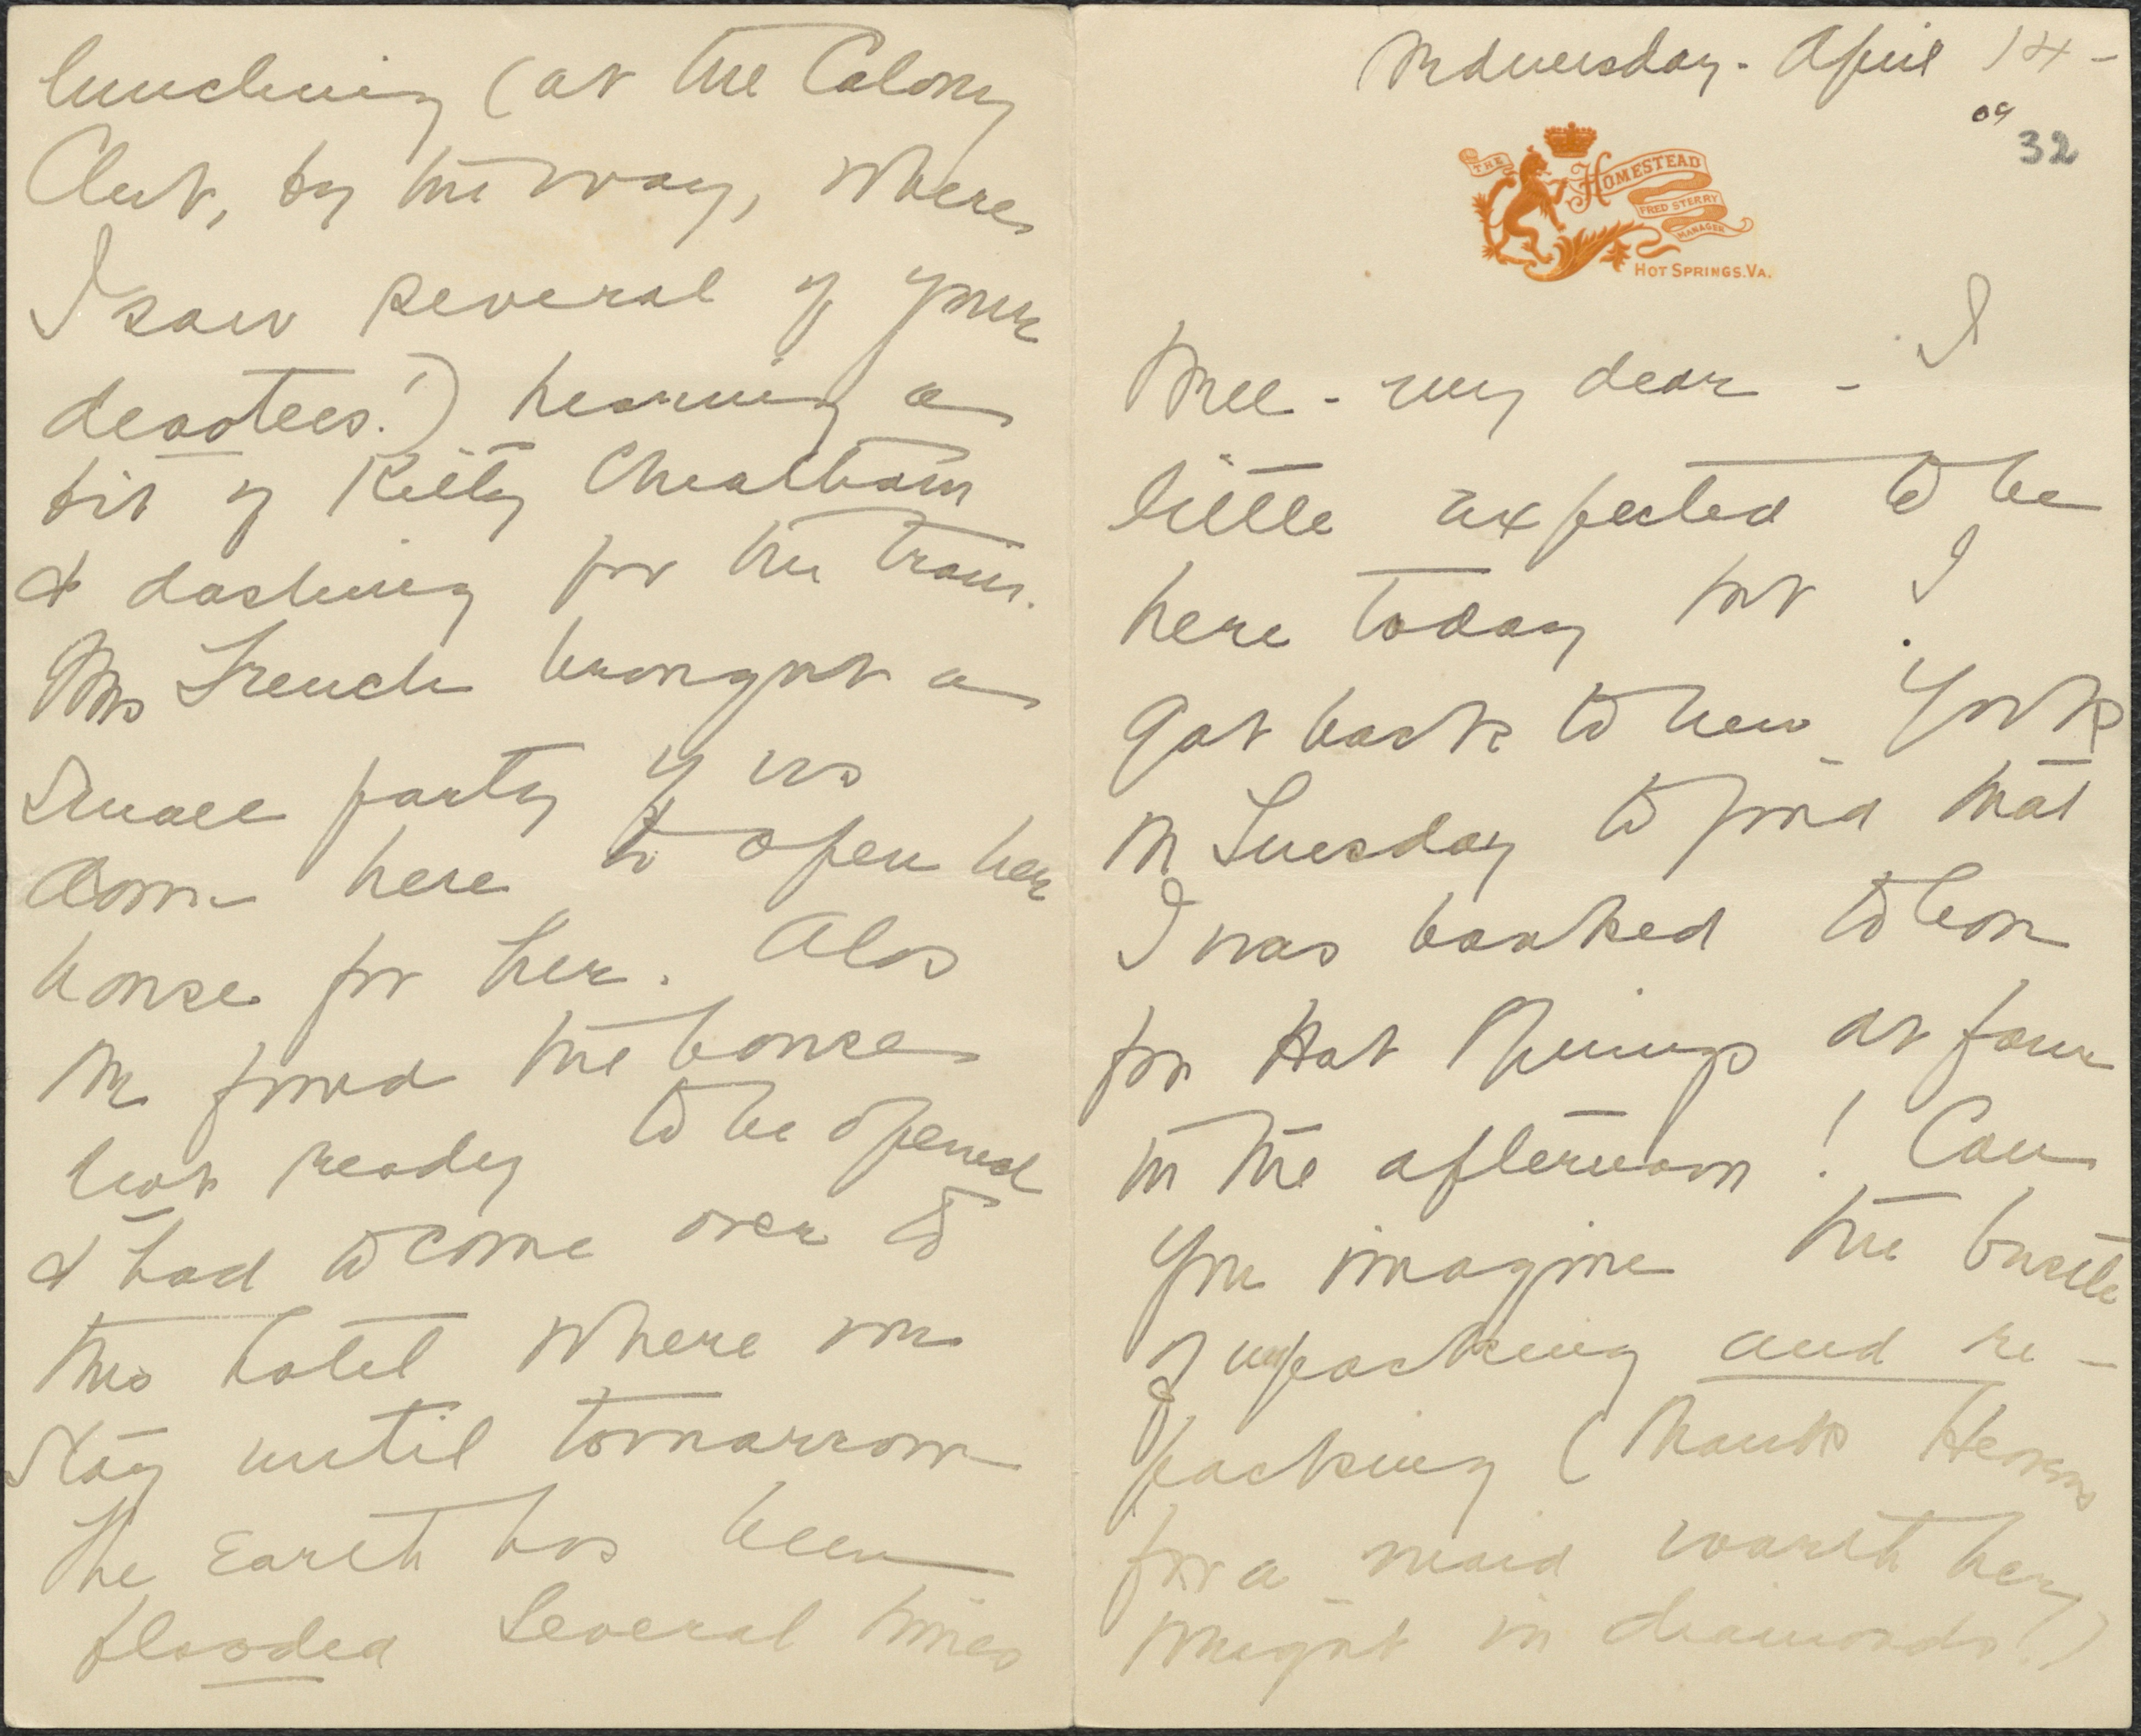Wednesday – April 14 –
Well – my dear – I little expected to be here today but I got back to New York on Sunday to find that I was booked to leave for Hot Springs at four in the afternoon! Can you imagine the bustle of unpacking and repacking (thank Heavens for a maid worth her weight in diamonds!)
lunching (at the Colony Club, by the way, where I saw several of your devotees!) hearing a bit of Kitty Chatham & dashing for the train. Mrs French brought a small party of us down here to open her house for her. Alas we found the house not ready to be opened & had to come over to this hotel where we stay until tomorrow
The earth has been flooded several times